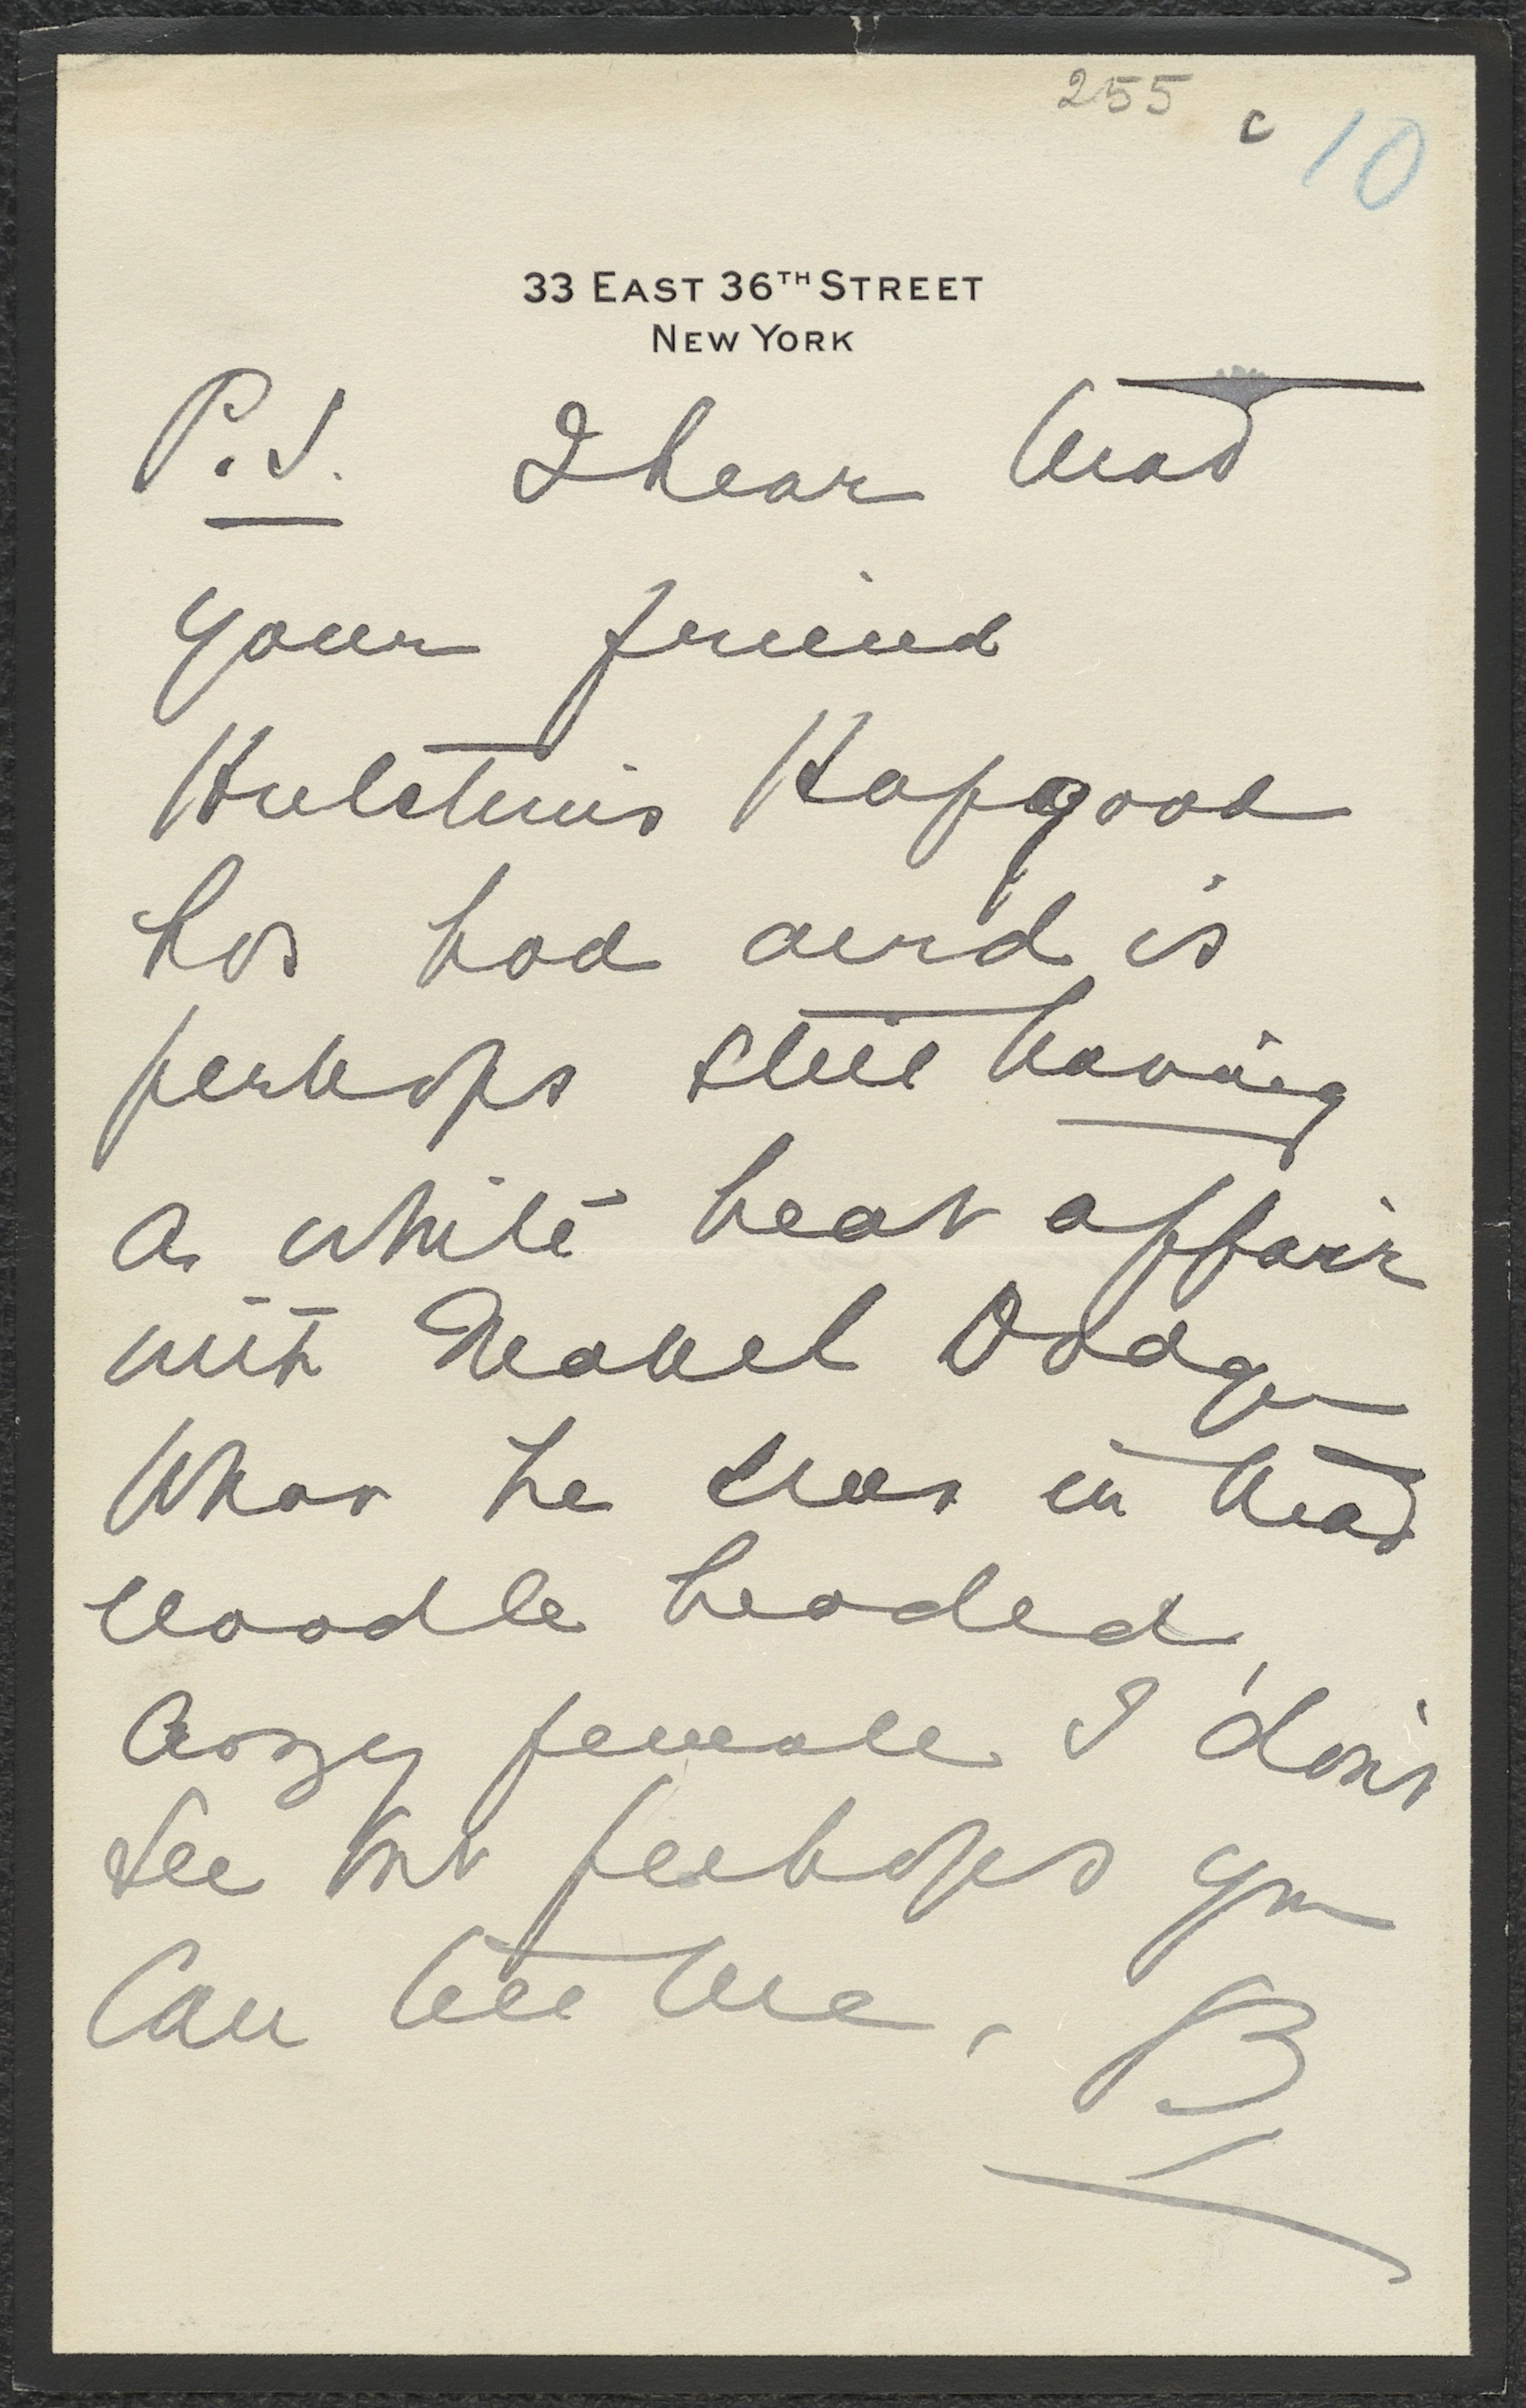P. S. I hear that your friend Hutchins Hapgood has had and is perhaps still having a white heat affair with Mabel Dodge – What he sees in that noodle headed, crazy female I don’t see but perhaps you can tell me, B,